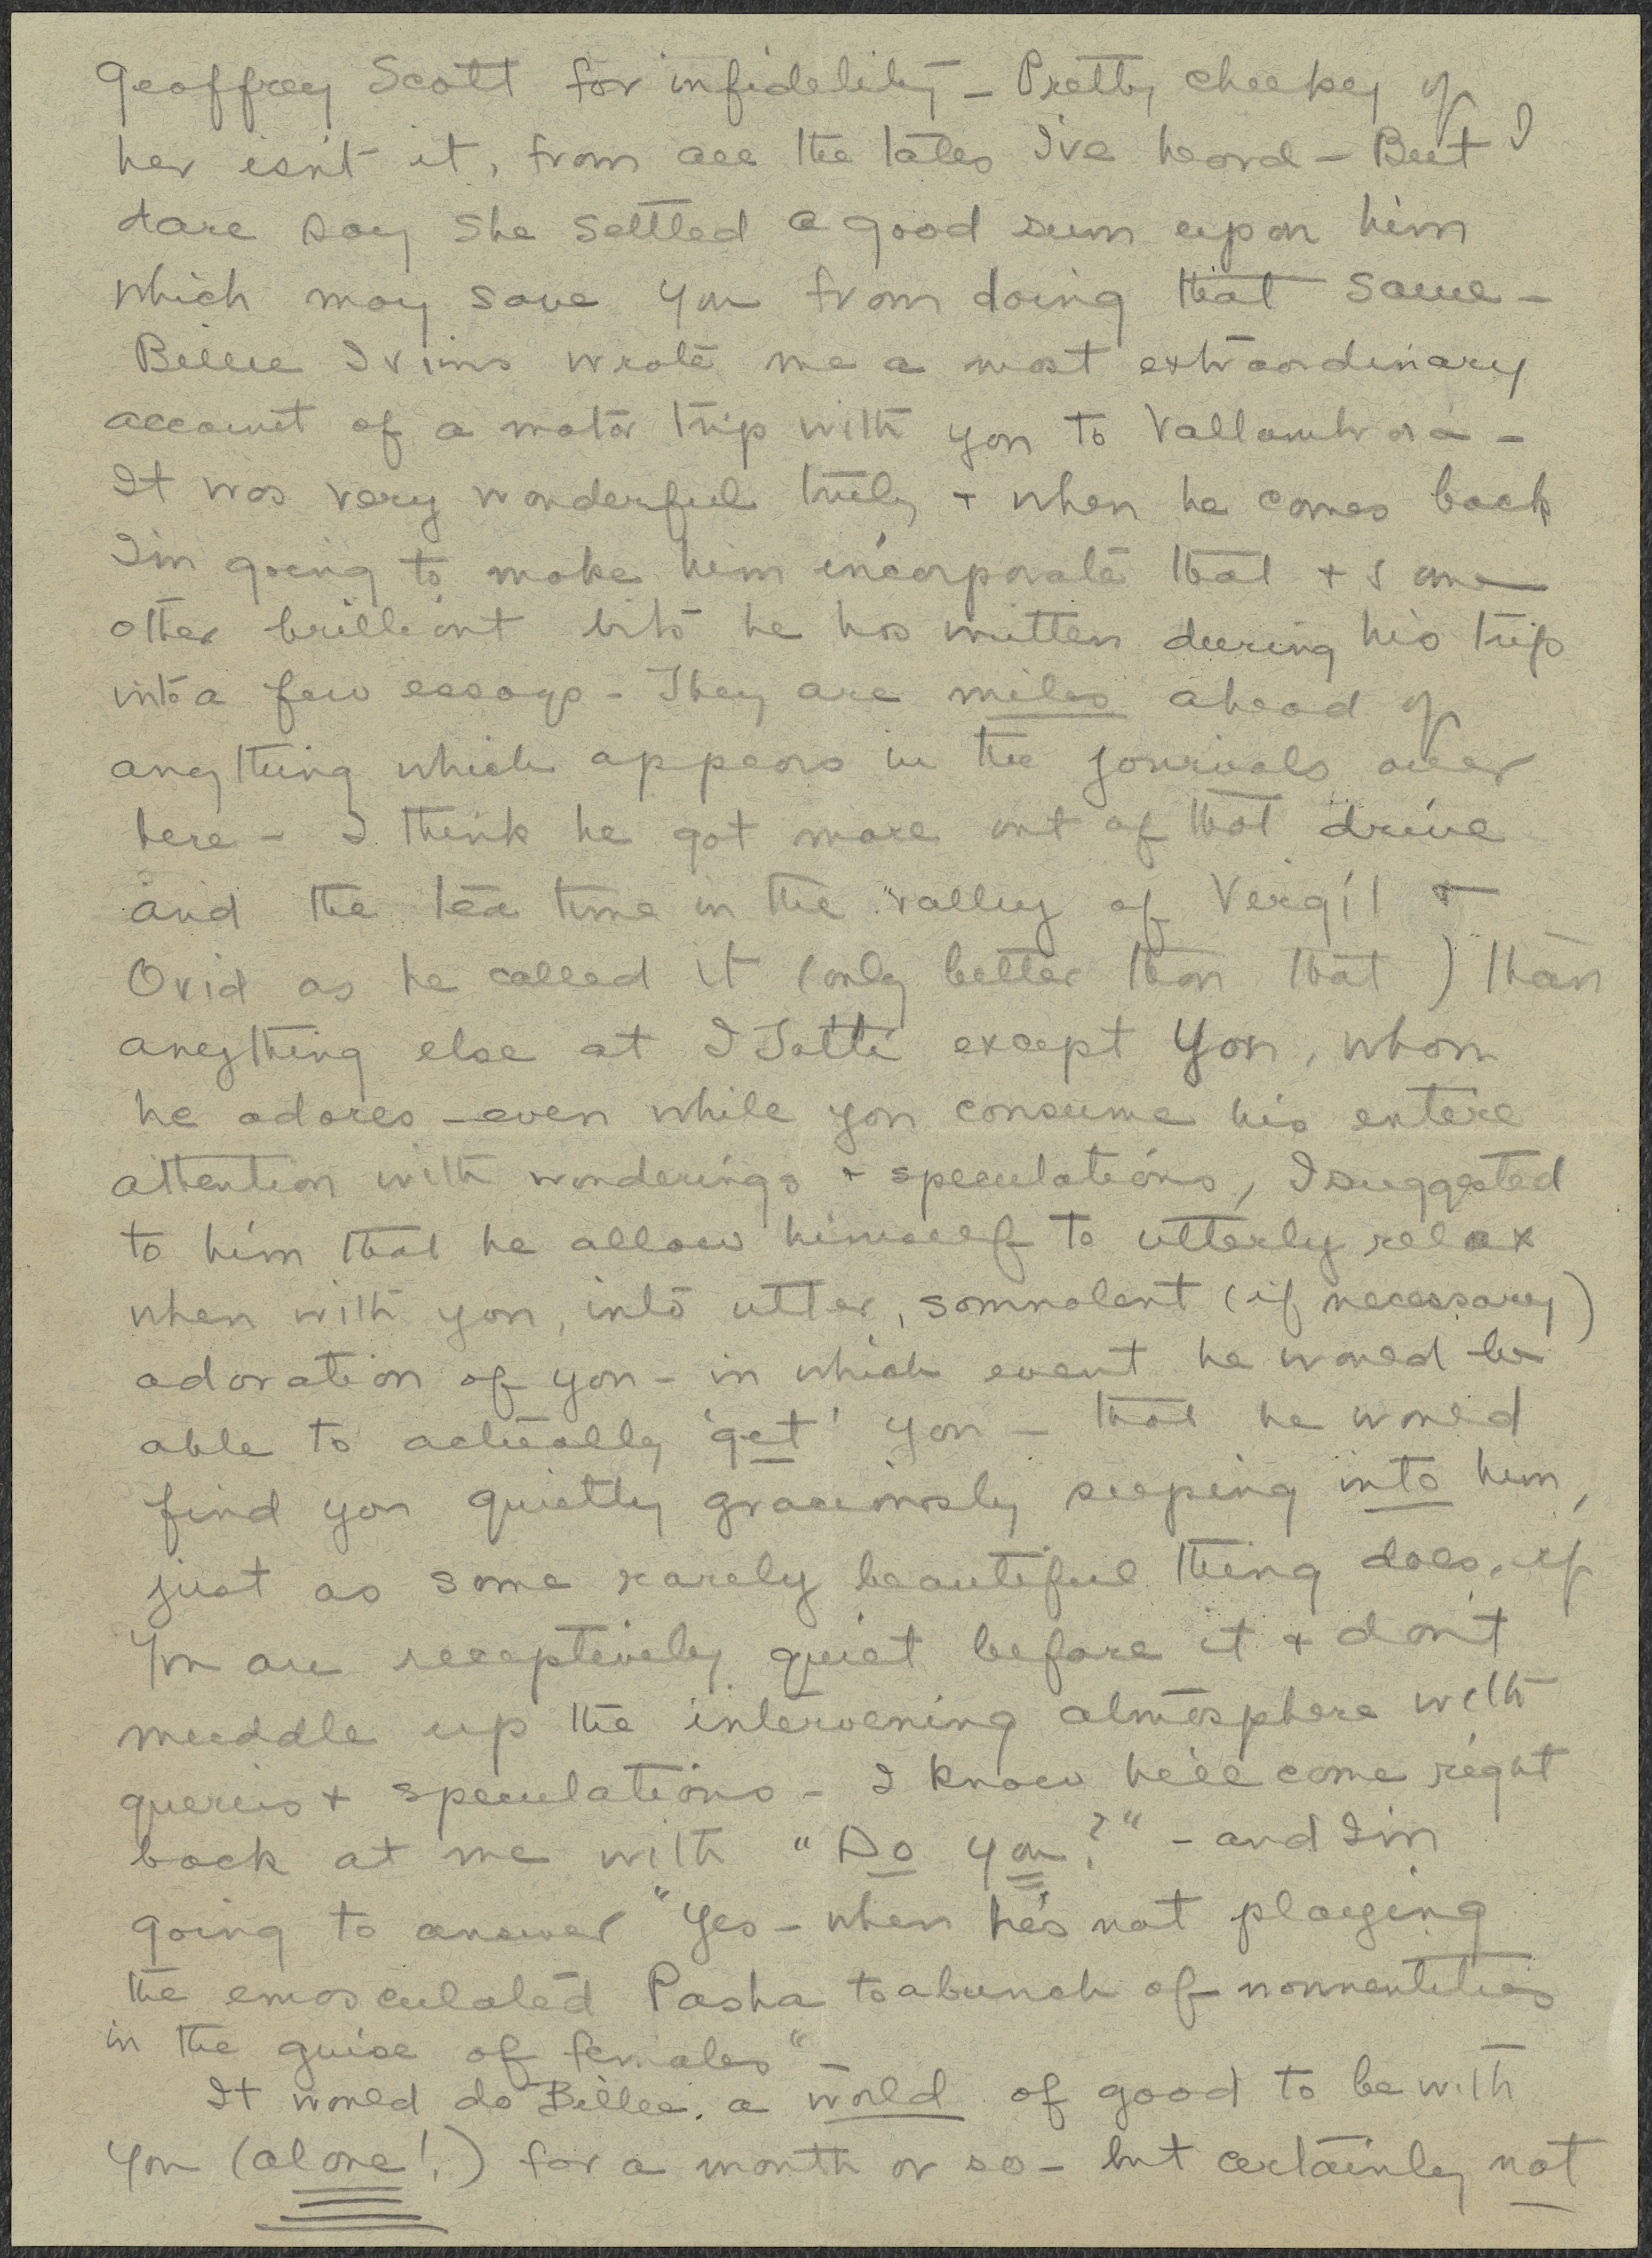Geoffrey Scott for infidelity – Pretty cheeky of her isn’t it, from all the tales I’ve heard – But I dare say she settled a good sum upon him which may save you from doing that same –
Billee Ivins wrote me a most extraordinary account of a motor trip with you to Vallombrosa – It was very wonderful truly & when he comes back I’m going to make him incorporate that & some other brilliant bits he has written during his trip into a few essays – They are miles ahead of anything which appears in the journals over here – I think he got more out of that drive and the tea time in the “valley of Virgil & Ovid as he called it (only better than that) than anything else at I Tatti except You, whom he adores – even while you consume his entire attention with wonderings & speculations, I suggested to him that he allow himself to utterly relax when with you, into utter, somnolent (if necessary) adoration of you – in which event he would be able to actually ‘get’ you – that he would find you quietly graciously seeping into him, just as some rarely beautiful thing does, if You are receptively quiet before it & don’t muddle up the intervening atmosphere with queries & speculations – I know he’ll come right back at me with “Do [double underlined: you?]” – and I’m going to answer “Yes – when he’s not playing the emasculated Pasha to a bunch of nonnentities in the guise of females” –
It would do Billee, a world of good to be with you ([quadruple underlined: alone!]) for a month or so – but certainly not